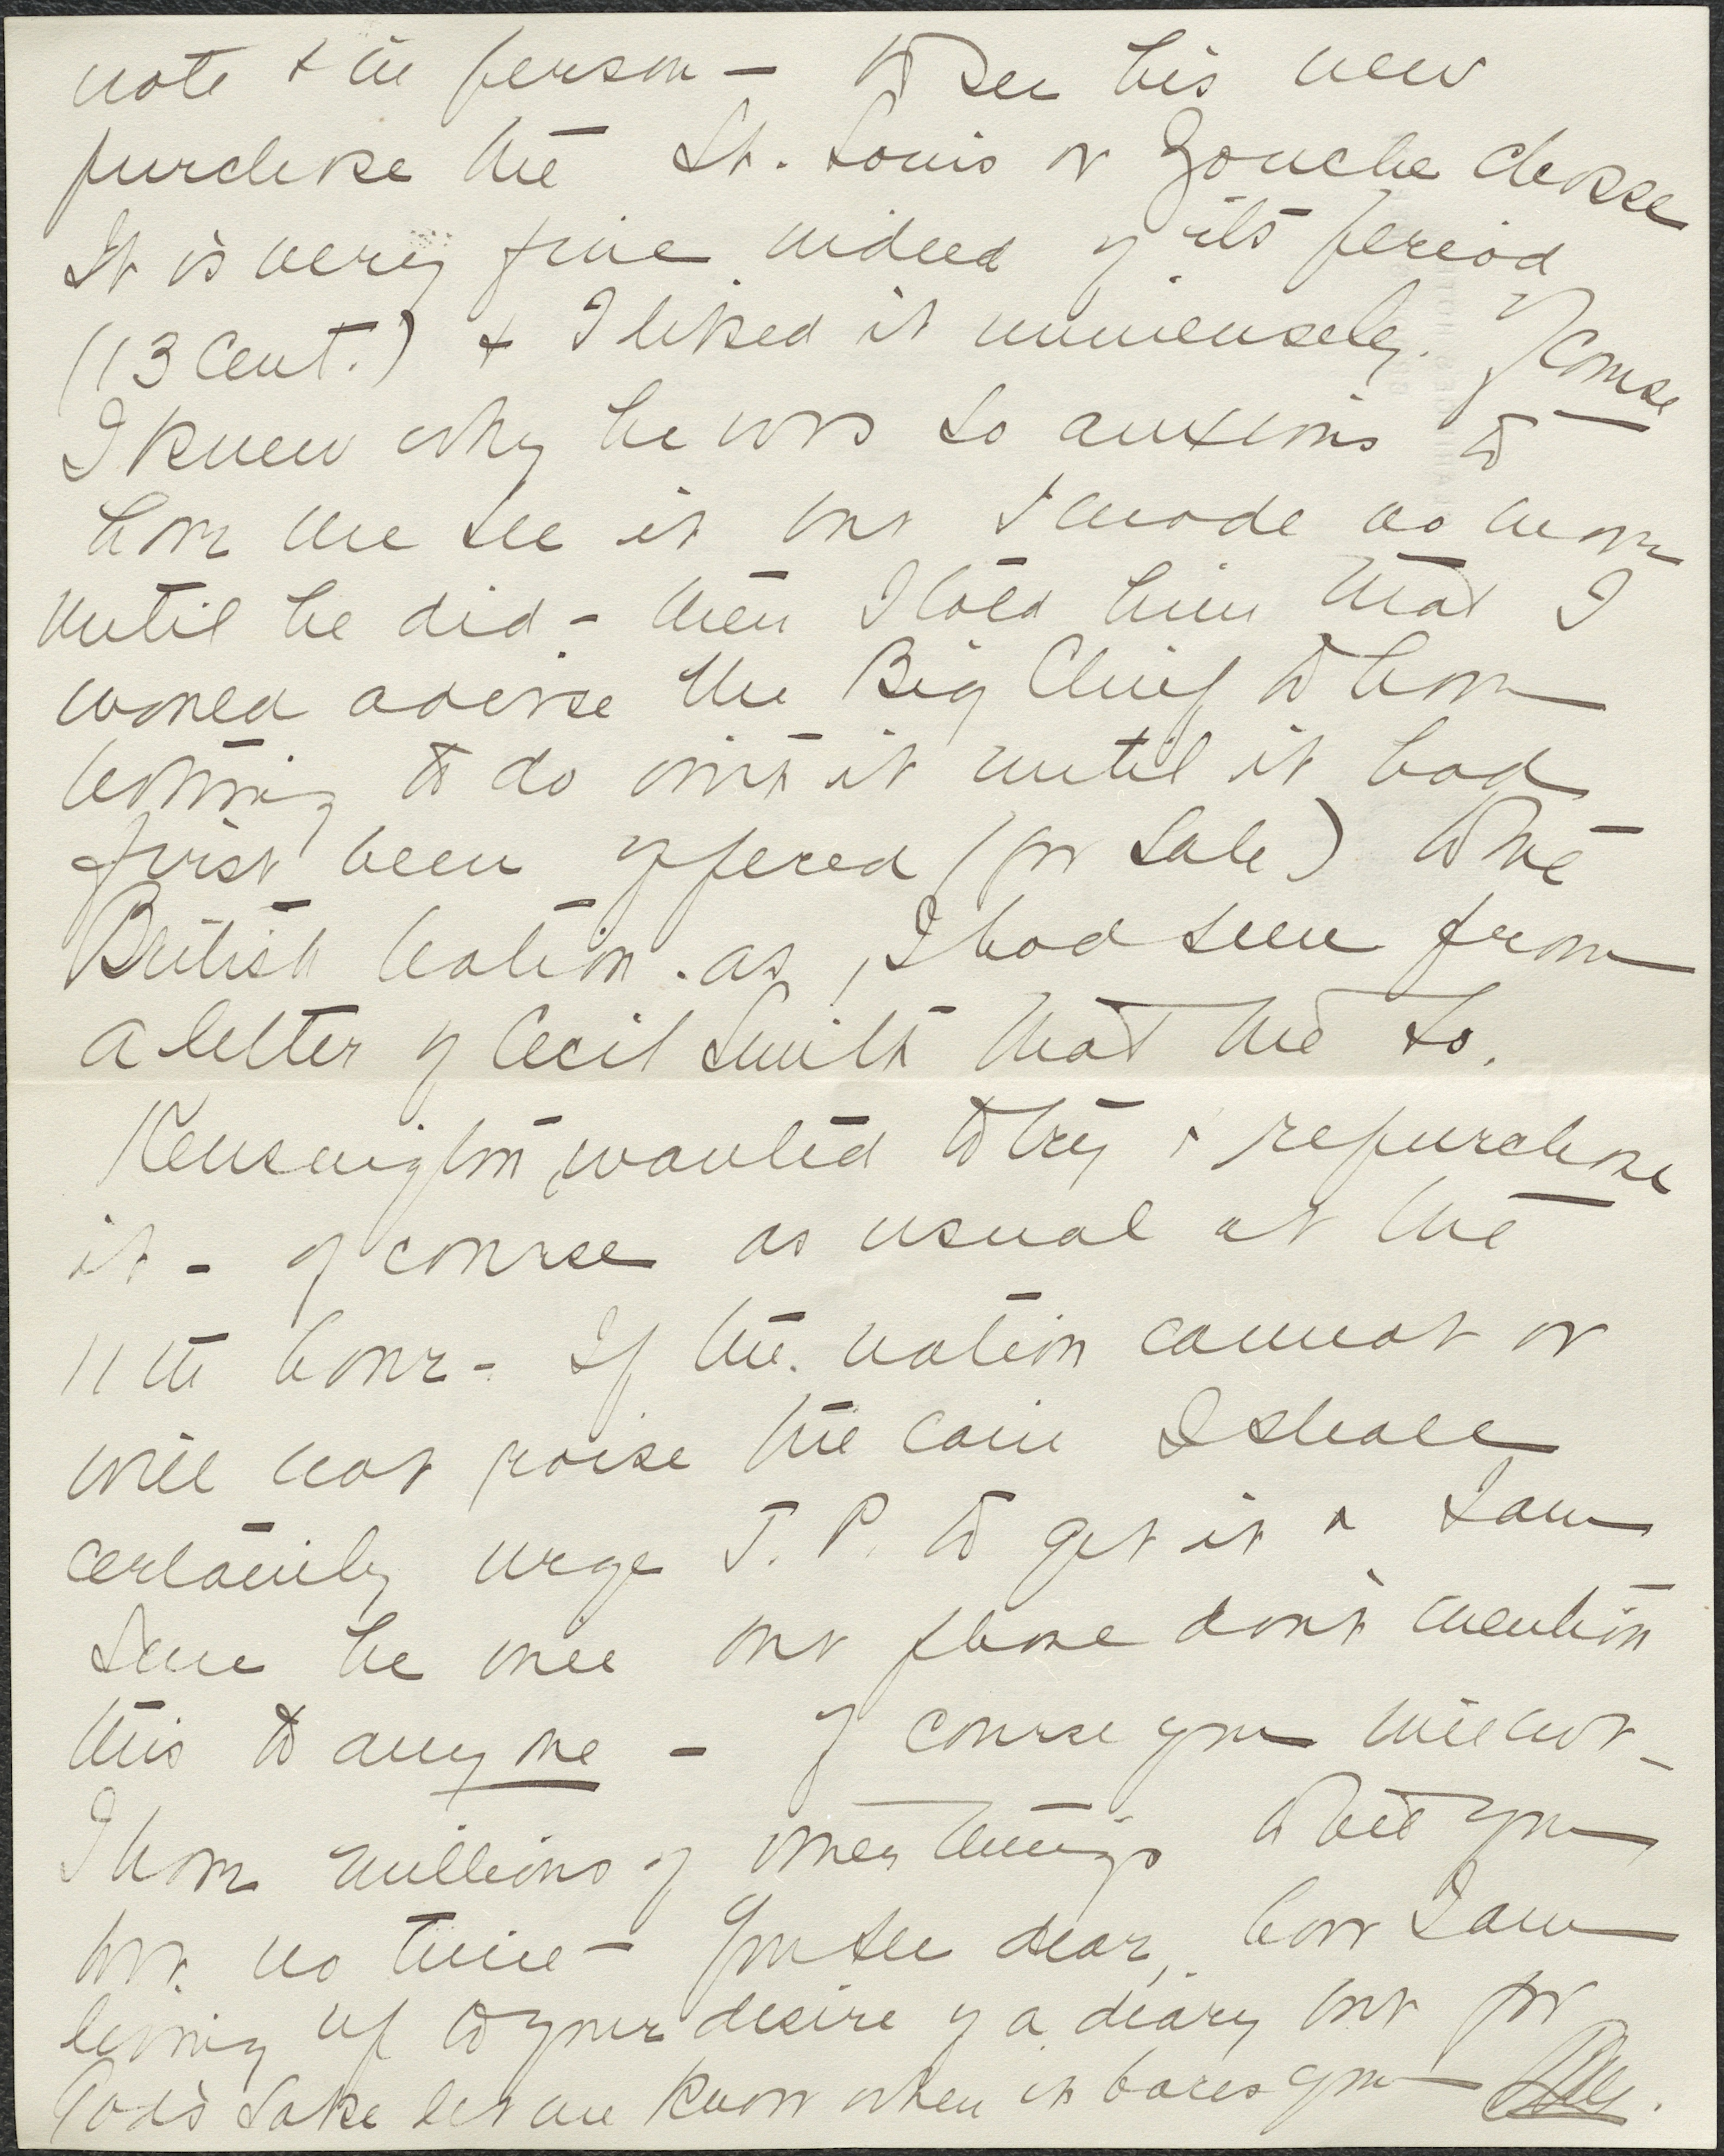note & in person – to see his new purchase the St. Louis or Zouche chasse It is very fine indeed of its period (13 cent.) & I liked it immensely. of course I knew why he was so anxious to have me see it but I made no move until he did – then I told him that I would advise the Big Chief to have nothing to do with it until it had first been offered (for sale) to the British Nation, as I had seen from a letter of Cecil Smith that the So. Kensington wanted to try & repurchase it – of course as usual at the 11th hour – If the nation cannot or will not raise the coin I shall certainly urge J. P. to get it & I am sure he will but please don’t mention this to any one – of course you will not – I have millions of other things to tell you but no time – You see dear, how I am living up to your desire of a diary but for God’s sake let me know when it bores you – Belle.